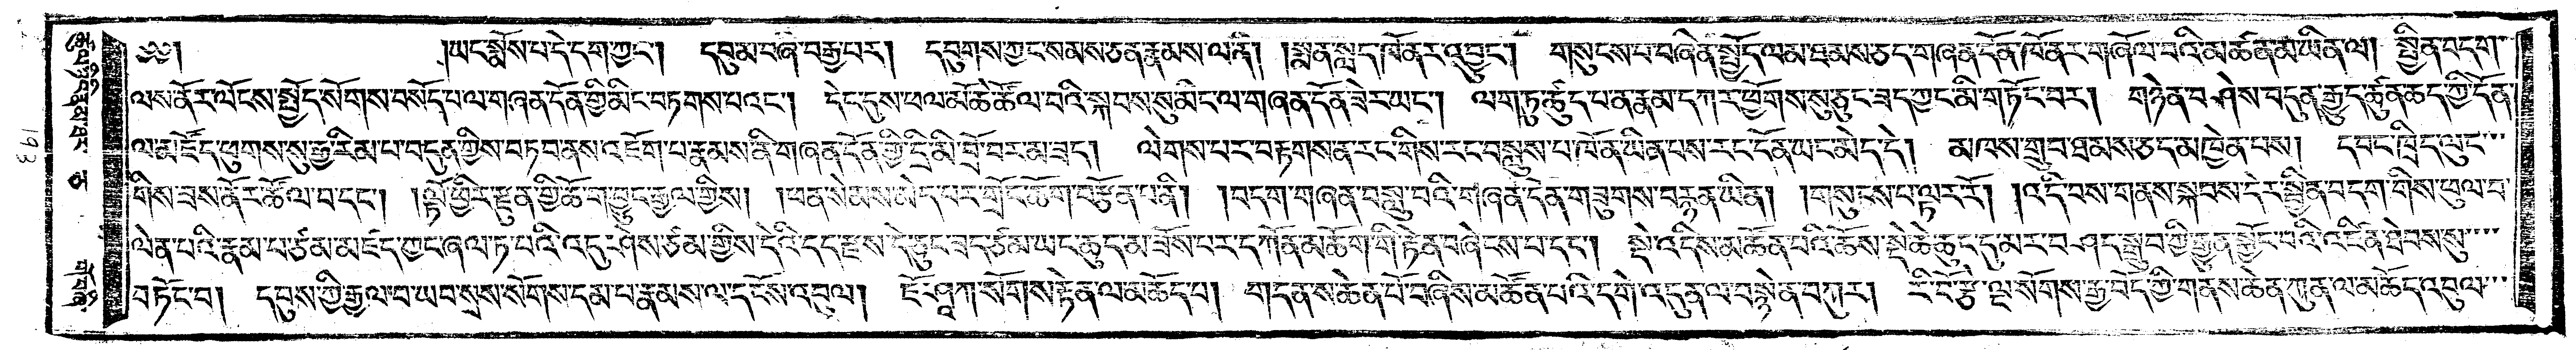༄༅། །ཡང་སྨོས་པ་དེ་དག་ཀྱང་། དབུ་མ་བཞི་བརྒྱ་པར། དབུགས་ཀྱང་སེམས་ཅན་རྣམས་ལ་ནི། །སྨན་སླད་ཁོ་ནར་འབྱུང་། གསུངས་པ་བཞིན་སྤྱོད་ལམ་ཐམས་ཅད་གཞན་དོན་ཁོ་ནར་གཞོལ་བའི་མཚན་མ་ཡིན་ལ། སྦྱིན་བདག་
ལས་ནོར་ལོངས་སྤྱོད་སོགས་བསོད་པ་ལ་གཞན་དོན་གྱི་མིང་བཏགས་བའང་། དེང་དུས་ཕལ་མོ་ཆེ་ཚོལ་བའི་སྐབས་སུ་མིང་ལ་གཞན་དོན་ཟེར་ཡང་། ལག་ཏུ་ཚུད་པ་ན་རྣམ་དཀར་ཕྱོགས་སུ་ཅུང་ཟད་ཀྱང་མི་གཏོང་བར། གཉེན་བཤེས་བདུན་རྒྱུད་ཚུན་ཆད་ཀྱི་དོན་
ལ་མཛོད་ཕུགས་སུ་རྒྱ་རིམ་པ་བདུན་གྱིས་བཏབ་ནས་འཇོག་པ་རྣམས་ནི་གཞན་དོན་གྱི་དྲི་མི་བྲོ་བར་མ་ཟད། ལེགས་པར་བརྟགས་ན་རང་གིས་རང་བསླུས་པ་ཁོ་ན་ཡིན་པས་རང་དོན་ཡང་མེད་དེ། མཁས་གྲུབ་ཐམས་ཅད་མཁྱེན་པས། དབང་ཁྲིད་ལུང་
གིས་ཟས་ནོར་ཚོལ་བ་དང་། །ལྟོ་ཕྱིར་རྫུན་གྱི་ཆོག་བྱུང་རྒྱལ་གྱིས། །ཕན་སེམས་མེད་བར་གྲོང་ཆོག་བརྩོན་བ་ནི། །བདག་གཞན་བསླུ་བའི་གཞན་དོན་གཟུགས་བརྙན་ཡིན། །གསུངས་པ་ལྟར་རོ། །འདི་བས་གནས་སྐབས་དེར་སྦྱིན་བདག་གིས་ཕུལ་བ་
ལེན་པའི་རྣམ་བ་ཙམ་མཛད་ཀྱང་ཞལ་ཏ་བའི་འདུ་ཤེས་ཙམ་གྱིས་དེའི་དད་རྫས་དེ་ཅུང་ཟད་ཙམ་ཡང་ཆུད་མ་ཟོས་བར་དཀོན་མཆོག་གི་རྟེན་བཞེངས་པ་དང་། སྡེ་འདིས་མཚོན་པའི་ཆོས་སྡེ་ཆེ་ཆུང་དུ་མར་བཤད་སྒྲུབ་ཀྱི་རྒྱུན་སྐྱོང་བའི་འཛིན་ཐེབས་སུ་
བཏོང་བ། དབུས་ཀྱི་རྒྱལ་བ་ཡབ་སྲས་སོགས་དམ་པ་རྣམས་ལ་དངོས་འབུལ། ཇོ་ཤཱཀ་སོགས་རྟེན་ལ་མཆོད་པ། གདན་ས་ཆེན་པོ་བཞིས་མཚོན་པའི་དགེ་འདུན་ལ་བསྙེན་བཀུར། རི་བོ་རྩེ་ལྔ་སོགས་རྒྱ་བོད་ཀྱི་གནས་ཆེན་ཀུན་ལ་མཆོད་འབུལ་